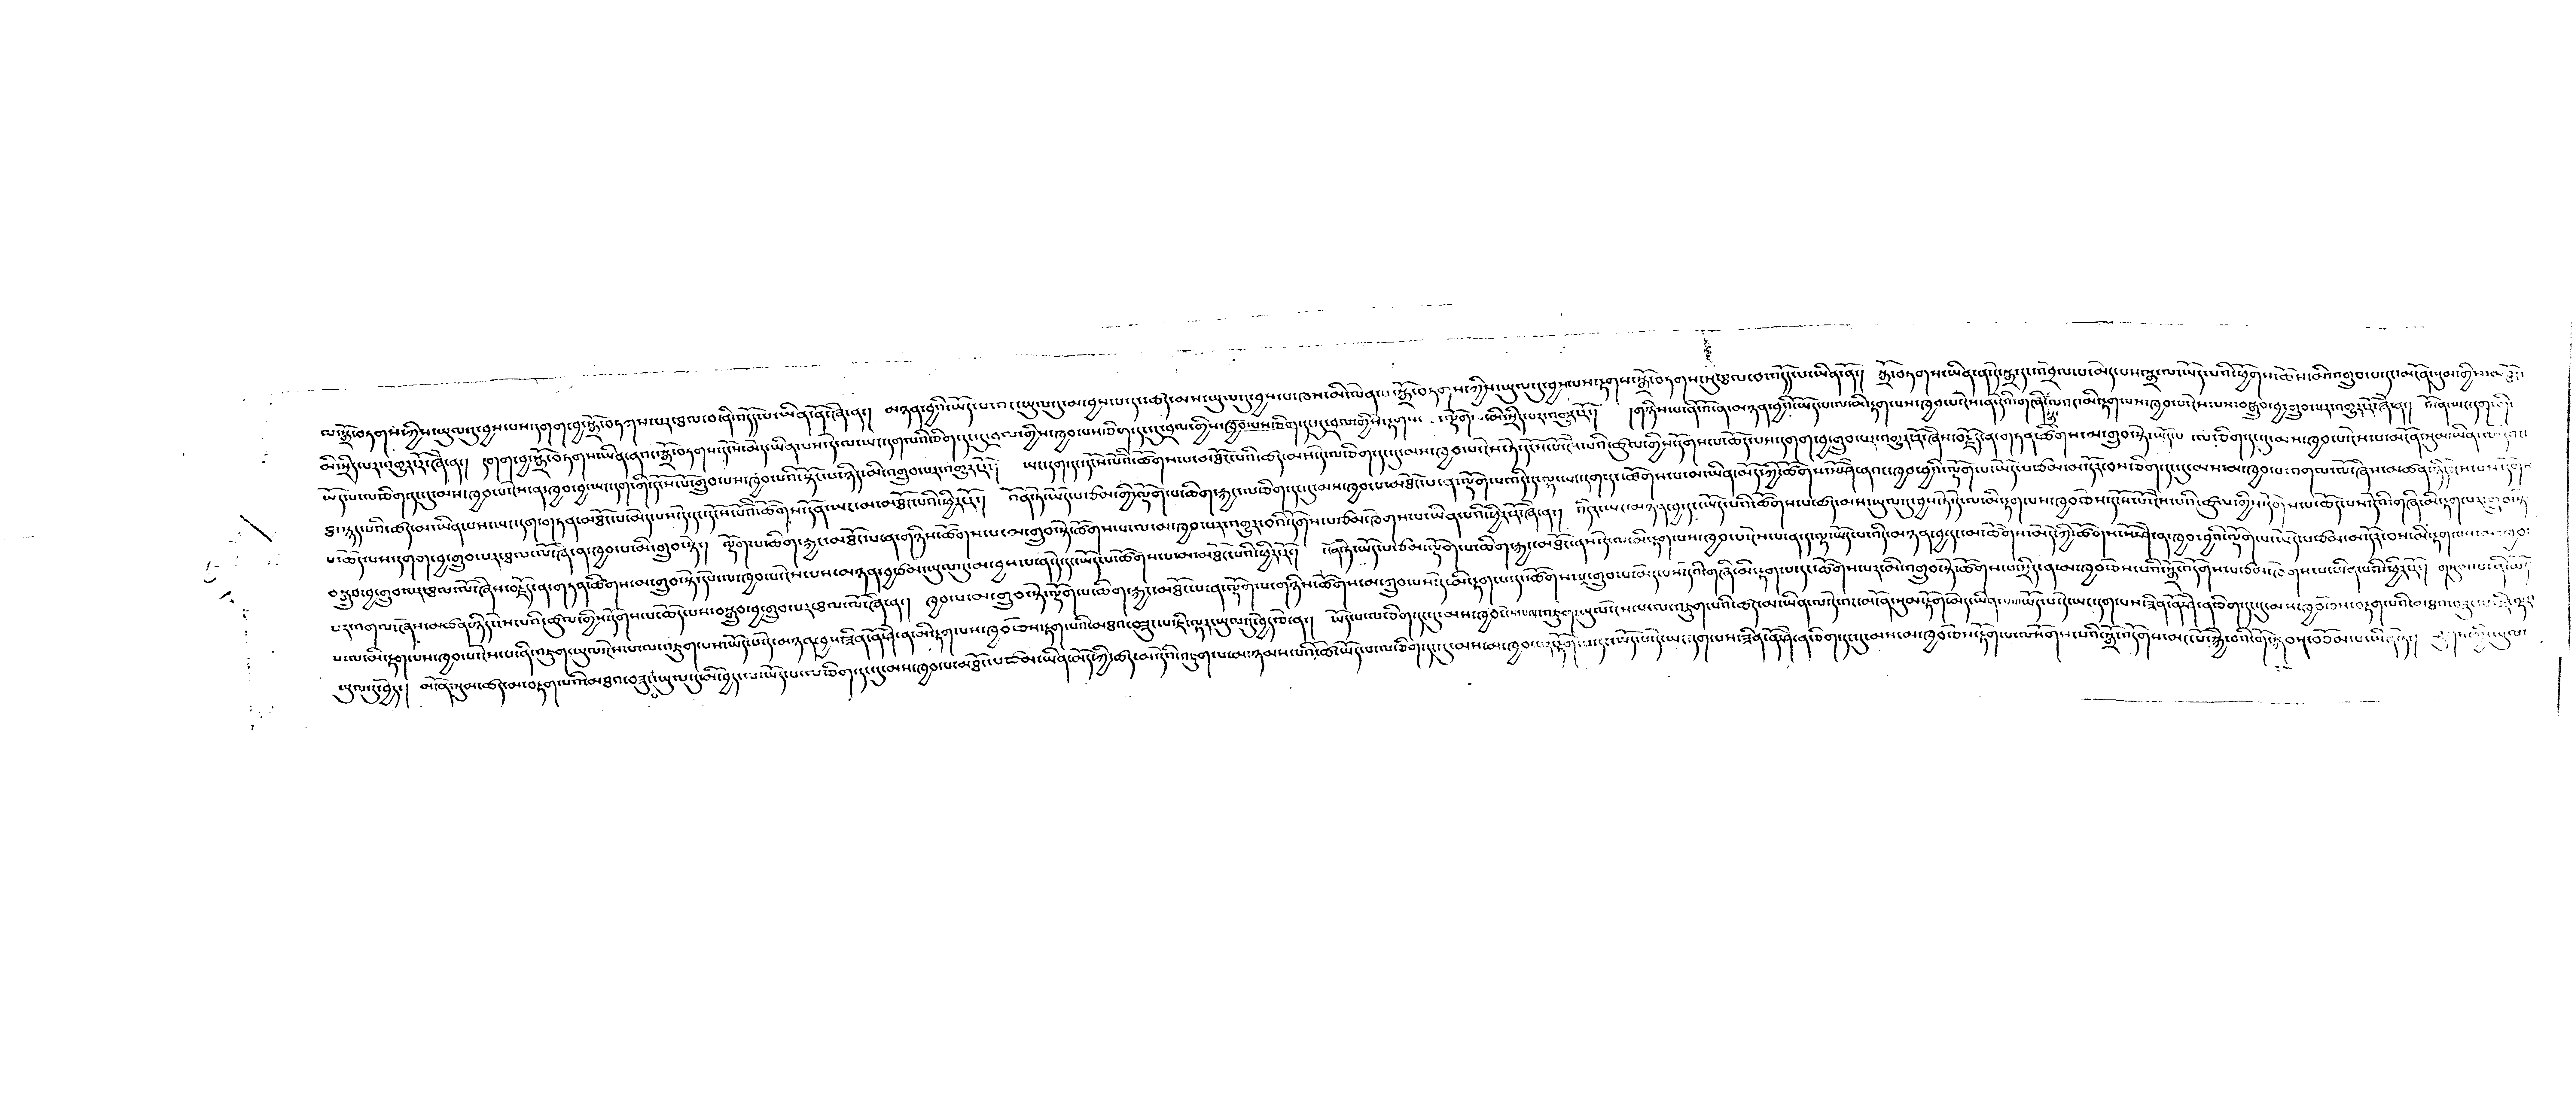མ་སྒྲོ་བཏགས་ཀྱིས་ཡུལ་དུ་བྱས་པས་དགག་བྱ་སྒྲོ་བཏགས་པར་ཐལ་བ་ནི་འདོད་པ་ཡིན་ནོ་ཞེ་ན། མཉན་བྱའི་ཡོད་པ་འང་ཡུལ་དུ་མ་བྱས་པ་དང་ཚད་མས་ཡུལ་དུ་བྱས་པ་ཁས་མི་ལེན་པ་སྒྲོ་བཏགས་ཀྱིས་ཡུལ་དུ་བྱས་པས་རྟགས་སྒྲོ་བཏགས་སུ་ཐལ་བ་འདོད་པ་ཡིན་ནོ། སྒྲོ་བཏགས་ཡིན་ན་དེ་སྒྲ་དང་འབྲེལ་པ་མེད་པས་སྒྲ་ལ་ཡོད་པའི་ཕྱོགས་ཆོས་མི་འགྲུབ་པ་དང་མངོན་སུམ་གྱིས་མཐོང་
མི་སྲིད་པར་འགྱུར་རོ་ཞེ་ན། དགག་བྱ་སྒྲོ་བཏགས་ཡིན་ནའང་སྒྲོ་བཏགས་དངོས་མེད་ཡིན་པས་དེ་ལ་ཡང་དག་པའི་ཅིག་དང་དུ་བྲལ་གྱིས་ཁྱབ་པས་ཅིག་དང་དུ་བྲལ་གྱིས་ཁྱབ་པས་ཅིག་དང་དུ་བྲལ་གྱིས་རྟགས་ལྡོག་མི་སྲིད་པར་འགྱུར་རོ། །གཉིས་པ་ནི་འོ་ན་མཉན་བྱའི་ཡོད་པ་ལ་མི་རྟག་པས་ཁྱབ་པ་ངེས་ན་དེའི་གཞི་སྒྲ་ལའང་མི་རྟག་པས་ཁྱབ་པ་ངེས་པས་བསྒྲུབ་བྱ་གྲུབ་པར་འགྱུར་རོ་ཞེ་ན། འོ་ན་ཡང་དག་གི་
ཡོད་པ་ལ་ཅིག་དང་དུ་མས་ཁྱབ་པ་ངེས་ན་ཁྱབ་བྱ་ཡང་དག་གི་དངོས་པོ་གྲུབ་པས་ཁྱབ་པའི་སྟོན་པ་ཉིད་མི་འགྲུབ་པར་འགྱུར་རོ། ཡང་དག་དངོས་པོའི་ཚོགས་པ་མཐོང་པའི་ཚད་མས་དེ་ལ་ཅིག་དང་དུ་མས་ཁྱབ་པ་ངེས་ཏེ་དངོས་པོ་ངེས་པའི་ཚུལ་གྱིས་དོགས་པ་ཆོད་པས་དགག་བྱ་གྲུབ་པར་འགྱུར་རོ་ཞེས་བརྗོད་ན་གཏན་ཚིགས་མ་གྲུབ་སྟེ་ཡོད་པ་ལ་ཅིག་དང་དུ་མས་ཁྱབ་པ་ངེས་པ་མངོན་སུམ་ཡིན་ལ་དེའང་
ཐ་སྙད་པའི་ཚད་མ་ཡིན་པས་ཡང་དག་གཏན་མཐོང་པ་མེད་པས་དེ་དང་དངོས་པོའི་ཚིགས་དོན་ཡང་མ་མཐོང་པའི་ཕྱིར་རོ། འོན་ཏེ་ཡོད་པ་ཙམ་གྱི་ལྡོག་པ་ཆིག་རྐྱང་ལ་ཆིག་དང་དུ་མས་ཁྱབ་པ་མཐོང་པ་ན་ལྡོག་པ་འདི་ད་ལྟ་ཡང་དག་དང་ཚོགས་པ་མ་ཡིན་མོད་ཀྱི་ཚོགས་སོ་ཤེ་ནའང་ཁྱབ་བྱའི་ལྡོག་པ་ཡོད་པ་ཙམ་མ་དོར་བས་ཅིག་དང་དུ་མས་མ་ཁྱབ་པ་འགལ་ལོ་ཞེས་མཚན་ཉིད་ངེས་པས་དགོས་
པ་ཆོད་པས་དགག་བྱ་གྲུབ་པར་ཐལ་ལོ་ཞེ་ན་ཁྱབ་པ་མི་གྲུབ་སྟེ། ལྡོག་པ་ཆིག་རྐྱང་མཐོང་པ་ན་གཉིས་ཚོགས་པ་མ་གྲུབ་སྟེ་ཚོགས་པ་ལ་མ་ཁྱབ་པར་འགྱུར་བའི་དོགས་པ་ཙམ་ཁེགས་པ་ཡིན་པའི་ཕྱིར་རོ་ཞེ་ན། འདིར་ཡང་མཉན་བྱ་དང་ཡོད་པའི་ཚོགས་པ་ཚད་མས་ཡུལ་དུ་བྱས་ཏེ་དེ་ལ་མི་རྟག་པས་ཁྱབ་ཅེས་དངོས་པོ་ངེས་པའི་ཚུལ་གྱིས་དོགས་པ་ཆོད་པས་དེའི་གཞི་མི་རྟག་པར་གྲུབ་སྟེ་
བསྒྲུབ་བྱ་གྲུབ་པར་ཐལ་ལོ་ཞེས་བརྗོད་ན་གཏན་ཚིགས་མ་གྲུབ་སྟེ་དཔེ་ལ་ཁྱབ་པ་ངེས་པ་མཉན་བྱ་ཙམ་ཡུལ་དུ་མ་བྱས་པ་ན་དེ་དང་ཡོད་པ་ཚོགས་པ་མ་མཐོང་པའི་ཕྱིར་རོ། འོན་ཏེ་ཡོད་པ་ཙམ་ལྡོག་པ་ཆིག་རྐྱང་མཐོང་ནས་དེ་ལ་མི་རྟག་པས་ཁྱབ་པ་ངེས་པ་ན་ད་ལྟ་ཡོད་པ་འདི་མཉན་བྱ་དང་མ་ཚོགས་མོད་ཀྱི་ཚོགས་སོ་ཤེ་ན་ཁྱབ་བྱའི་ལྡོག་པ་ཡོད་པ་ཙམ་མ་དོར་བས་མི་རྟག་པས་མ་ཁྱབ་
པར་འགལ་ཞེས་མཚན་ཉིད་ངེས་པའི་ཚུལ་གྱིས་དོགས་པ་ཆོད་པས་བསྒྲུབ་བྱ་གྲུབ་པར་ཐལ་ལོ་ཞེ་ན། ཁྱབ་པ་མ་གྲུབ་སྟེ་ལྡོག་པ་ཆིག་རྐྱང་མཐོང་པ་ན་ལྡོག་པ་གཉིས་ཚོགས་མ་གྲུབ་པས་དེ་མི་རྟག་པ་དང་ཚོགས་པར་གྲུབ་པ་མེད་པས་དེའི་གཞི་མི་རྟག་པ་དང་ཚོགས་པར་མི་འགྲུབ་སྟེ་ཚོགས་པ་སྲིད་ན་མ་ཁྱབ་ཅེས་པའི་སྒྲོ་འདོགས་པ་ཙམ་ཁེགས་པ་ཡིན་པའི་ཕྱིར་རོ། གསུམ་པ་ནི་ཡོད་
པ་ལ་མི་རྟག་པས་ཁྱབ་པ་ངེས་པ་ནི་འཇུག་ཡུལ་ངེས་པ་ལ་འཇུག་པས་ཡོད་པ་དེ་མཉན་བྱས་ཟིན་ནོ་ཤེ་ན་མི་རྟག་པས་ཁྱབ་ཅེས་རྟག་པའི་མཐའ་བཟུང་པ་ཇི་ལྟར་ཡུལ་དུ་བྱེད་ཅེ་ན། ཡོད་པ་ལ་ཅིག་དང་དུ་མས་ཁྱབ་?་འཇུག་ཡུལ་ངེས་པ་ལ་འཇུག་པའི་ཚད་མ་ཡིན་ལ་དེ་འང་མངོན་སུམ་རྟོག་མེད་ཡིན་པ་ལ་ཡོད་པ་དེ་ཡང་དག་པས་ཟིན་ནོ་ཤེ་ན་ཅིག་དང་དུ་མས་ཁྱབ་པས་བརྟག་པའི་མཐའ་བཟུང་པ་ཇི་ལྟར་
ཡུལ་དུ་བྱེད། མངོན་སུམ་ཚད་མ་བརྟག་པའི་མཐའ་བཟུང་བ་ཡུལ་དུ་མ་བྱེད་པ་ཡོད་པ་ལ་ཅིག་དང་དུ་མས་ཁྱབ་པ་མཐོང་པ་ཙམ་ཡིན་མོད་ཀྱི་ཚད་མ་དེའི་འཇུག་པ་མ་ཉམས་པའི་ཚེ་ཡོད་པ་ལ་ཅིག་དང་དུ་མས་མ་ཁྱབ་པར་རྟོག་པ་དང་ཡོད་པ་དང་ཡང་དག་པས་ཟིན་ནོ་ཤེ་ན་ཅིག་དང་དུ་མས་མ་ཁྱབ་ཅེས་རྟོག་པ་ལ་སོགས་པའི་སྒྲོ་འདོགས་མང་པོ་སྐྱེ་བའི་གོ་སྐབས་བཅོམ་པ་ཡིན་ཏེ། ?་ཀྱི་ཡུལ་